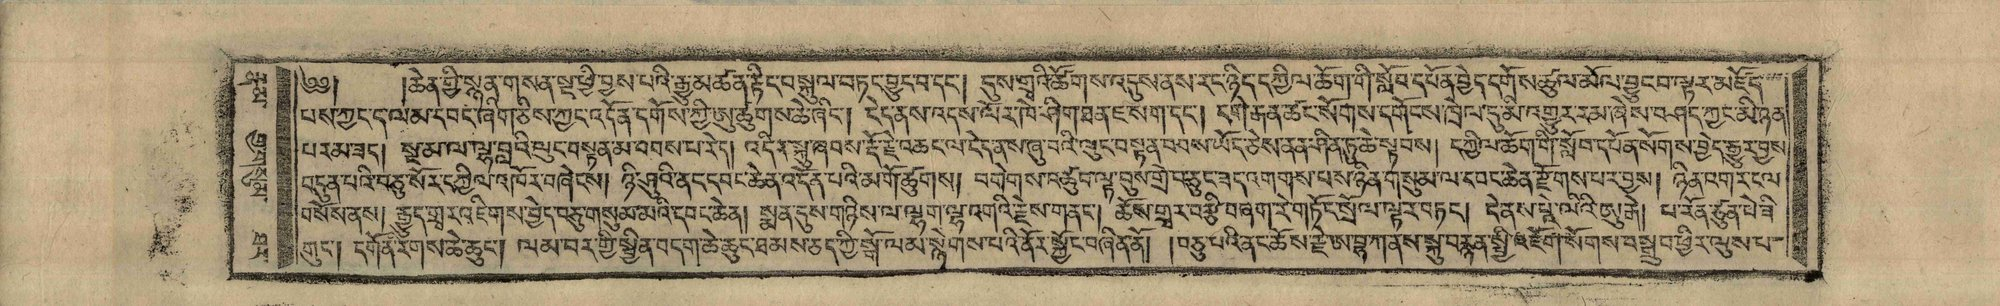༄༅། །ཆེན་གྱི་སྙན་གསན་སྔ་ཕྱི་བྱས་པའི་རྒྱུ་མཚན་རྟིང་བསྐུལ་བཏང་བྱུང་བ་དང་། དུས་གྲྭའི་ཚོགས་འདུས་ནས་རང་ཉིད་དཀྱིལ་ཆོག་གི་སློབ་དཔོན་བྱེད་དགོས་ཚུལ་མོལ་བྱུང་བ་ལྟར་མཛོད་
པས་ཀྱང་ད་ལམ་དབང་ཞིག་ཅིས་ཀྱང་འདོན་དགོས་ཀྱི་ཨུ་ཚུགས་ཆེ་ཞིང་། ངེད་ནས་འདས་ལོར་ཁེ་ཤིག་ཐན་ཇ་སག་དང་། དགེ་རྒན་ཚང་སོགས་དགོངས་ཁྲེལ་དུ་མི་འགྱུར་རམ་ཞེས་བཤད་ཀྱང་མི་ཉན་
པར་མ་ཟད། སྔ་མ་ལ་ལྷ་བླའི་ལུང་བསྟན་མ་བབས་པ་རེད། འདིར་སྐུ་ཞབས་རྡོ་རྗེ་འཆང་ལ་ངེད་ནས་ཞུ་བའི་ལུང་བསྟན་བབས་ཡོད་ཅེས་ནན་ཤིན་ཏུ་ཆེ་སྟབས། དཀྱིལ་ཆོག་གི་སློབ་དཔོན་སོགས་བྱེད་རྒྱུར་བྱས་
བདུན་པའི་བཅུ་སོར་དཀྱིལ་འཁོར་བཞེངས། ཉི་ཤུའི་ནང་དབང་ཆེན་འདོན་པའི་མགོ་ཚུགས། བགེགས་འཚུབ་ལྟ་བུས་གྲེ་བ་ཅུང་ཟད་འགགས་པས་ཉིན་གསུམ་ལ་དབང་ཆེན་རྫོགས་པར་བྱས། ཉིན་འགར་ངལ་
བསོས་ནས། རྒྱུད་གྲྭར་འཇིགས་བྱེད་བཅུ་གསུམ་མའི་དབང་ཆེན། སྨན་དུས་གཉིས་ལ་ལྷག་ལྷ་འགའི་རྗེས་གནང་། ཆོས་གྲྭར་བརྩི་བཞག་རེ་གཏོང་སྲོལ་ལྟར་བཏང་། དེ་ནས་པE་ལིའི་ཨུ་རྒེ། པ་རོན་ཙུན་པེ་ཟི་
གུང་། དགོན་རིགས་ཆེ་ཆུང་། ལམ་བར་གྱི་སྦྱིན་བདག་ཆེ་ཆུང་ཐམས་ཅད་ཀྱི་སྒོ་ལམ་སྙེགས་པའི་ནོར་སྐྱོང་བཞིན་ནོ། །བཅུ་པའི་ནང་ཆོས་རྗེ་ཨ་བྷ་ཀ་ནས་སྐུ་བརྙན་སྤྱི་འཇོག་སོགས་བསྒྲུབ་ཕྱིར་ལུས་པ་